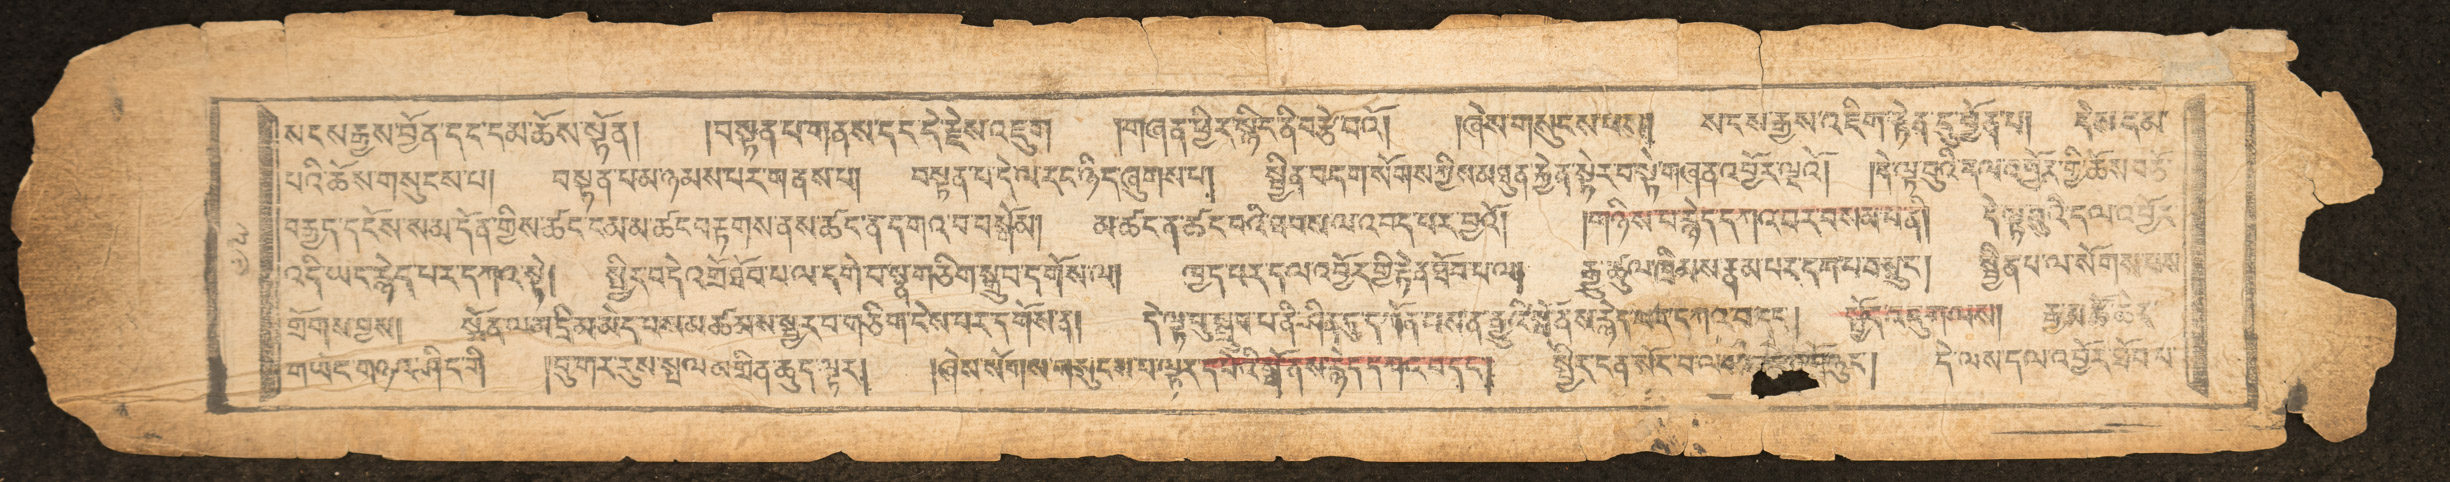སངས་རྒྱས་བྱོན་དང་དམ་ཆོས་སྟོན། །བསྟན་པ་གནས་དང་དེ་རྗེས་འཇུག །གཞན་ཕྱིར་སྙིང་ནི་བརྩེ་བའོ། །ཞེས་གསུངས་པས། སངས་རྒྱས་འཇིག་རྟེན་དུ་བྱོན་པ། དེས་དམ་
པའི་ཆོས་གསུངས་པ། བསྟན་པ་མ་ཉམས་པར་གནས་པ། བསྟན་པ་དེ་ལ་རང་ཉིད་ཞུགས་པ། སྦྱིན་བདག་སོགས་ཀྱིས་མཐུན་རྐྱེན་སྟེར་བ་སྟེ་གཞན་འབྱོར་ལྔའོ། །དེ་ལྟ་བུའི་དལ་འབྱོར་གྱི་ཆོས་བཅོ་
བརྒྱད་དངོས་སམ་དོན་གྱིས་ཚང་ངམ་མ་ཚང་བརྟགས་ནས་ཚང་ན་དགའ་བ་བསྒོམ། མ་ཚང་ན་ཚང་བའི་ཐབས་ལ་འབད་པར་བྱའོ། །གཉིས་པ་རྙེད་དཀའ་བར་བསམ་པ་ནི། དེ་ལྟ་བུའི་དལ་འབྱོར་
འདི་ཡང་རྙེད་པར་དཀའ་སྟེ། སྤྱིར་བདེ་འགྲོ་ཐོབ་པ་ལ་དགེ་བ་སྣ་གཅིག་སྒྲུབ་དགོས་ལ། ཁྱད་པར་དལ་འབྱོར་གྱི་རྟེན་ཐོབ་པ་ལ། རྒྱུ་ཚུལ་ཁྲིམས་རྣམ་པར་དག་པ་བསྲུང་། སྦྱིན་པ་ལ་སོགས་པས་
གྲོགས་བྱས། སྨོན་ལམ་དྲི་མ་མེད་པས་མཚམས་སྦྱར་བ་གཅིག་ངེས་པར་དགོས་ན། དེ་ལྟ་བུ་སྒྲུབ་པ་ནི་ཤིན་ཏུ་དཀོན་པས་ན་རྒྱུའི་སྒོ་ནས་རྙེད་པར་དཀའ་བ་དང་། སྤྱོད་འཇུག་ལས། རྒྱ་མཚོ་ཆེར་
གཡེང་གཉའ་ཤིང་གི །བུ་གར་རུས་སྤལ་མགྲིན་ཆུད་ལྟར། །ཞེས་སོགས་གསུངས་པ་ལྟར་དཔེའི?་སྒོ་ནས་རྙེད་དཀའ་བ་དང་། སྦྱིར་ངན་སོང་བ་ལས་བདེ་འགྲོ་ཉུང་། དེ་ལས་དལ་འབྱོར་ཐོབ་པ་